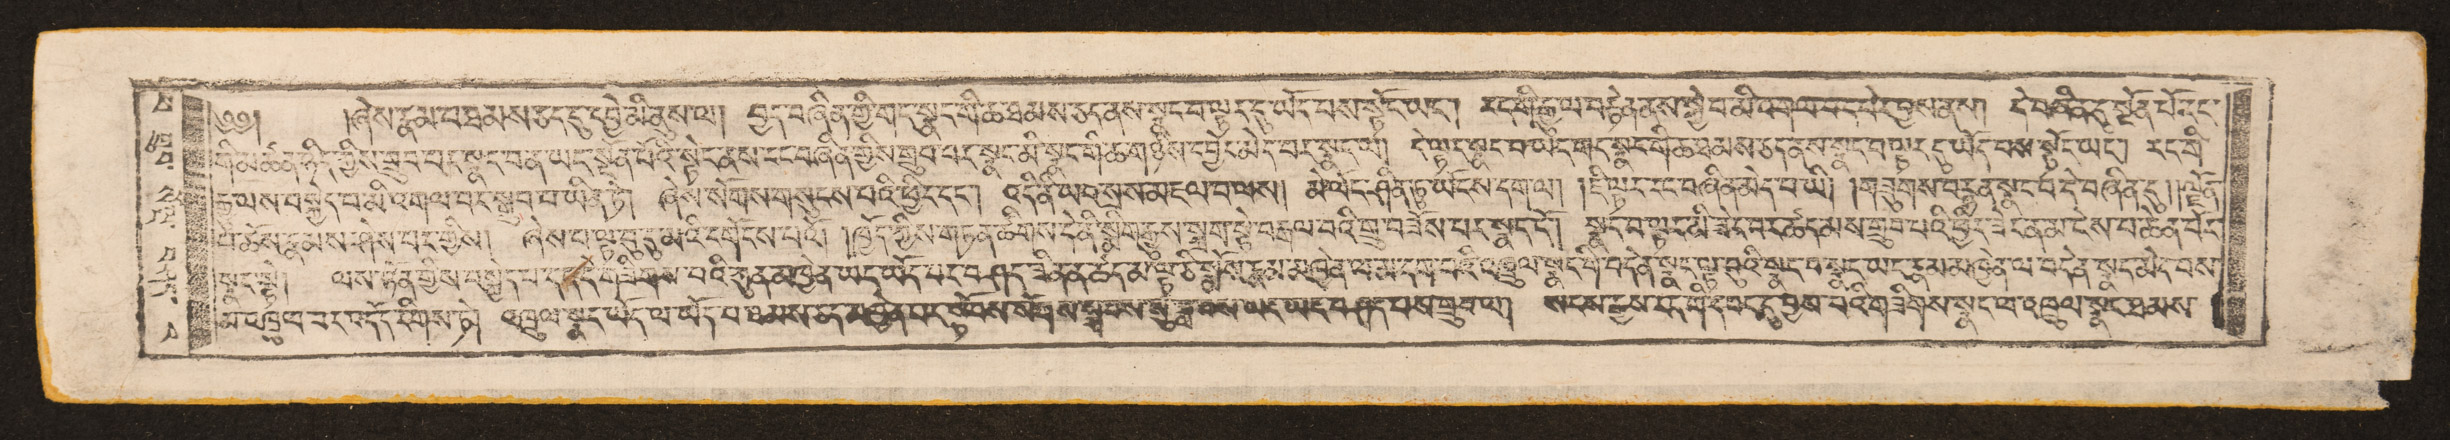༄༅། །ཞེས་རྣམ་པ་ཐམས་ཅད་དུང་བྱེ་མི་ནུས་ལ། བྱད་བཞིན་གྱི་གང་སྣང་གི་ཆ་ཐམས་ཅད་ནས་སྣང་བ་ལྟར་དུ་ཡོད་པས་སྟོང་ཡང་། རང་གི་རྒྱུ་ལ་བརྟེན་ནས་སྐྱེ་བ་མི་འགལ་བ་དཔེར་བྱས་ནས། དེ་བཞིན་དུ་སྔོན་པོ་རང་
གི་མཚན་ཉིད་ཀྱིས་གྲུབ་པར་སྣང་བ་ན་ཡང་སྔོན་པོའི་སྟེང་ནས་རང་བཞིན་གྱིས་གྲུབ་པར་སྣང་མི་སྣང་གི་ཆ་གཉིས་དབྱེར་མེད་པར་སྣང་ལ། དེ་ལྟར་སྣང་བ་ཡང་གང་སྣང་གི་ཆ་ཐམས་ཅད་ནས་སྣང་བ་ལྟར་དུ་ཡོད་པས་སྟོང་ཡང་། རང་གི་
རྒྱུ་ལས་བསྐྱེད་པ་མི་འགལ་བར་སྒྲུབ་པ་ཡིན་ཏེ། ཞེས་སོགས་གསུངས་པའི་ཕྱིར་དང་། འདི་ནི་ཡབ་སྲས་མཇལ་བ་ལས། མེ་ལོང་ཤིན་ཏུ་ཡོངས་དག་ལ། །ཇི་ལྟར་རང་བཞིན་མེད་པ་ཡི། །གཟུགས་བརྙན་སྣང་བ་དེ་བཞིན་དུ། །ལྗོན་
པ་ཆོས་རྣམས་ཤེས་པར་གྱིས། ཞེས་པ་ལྟ་བུ་དུ་མའི་དགོངས་པའོ། །ཁྱོད་ཀྱིས་གཏན་ཚིགས་དེ་ནི་སྨིག་རྒྱུས་སྒྲག་སྟེ་བརྒལ་བའི་གྲུ་བཟོས་པར་སྣང་ངོ། སྣང་བ་ལྟར་མི་ཟེར་བར་ཚད་མས་གྲུབ་པའི་ཕྱིར་ཟེར་ན་མ་ངེས་པ་ཆེན་བོར་
སྣང་སྟེ། ལས་ཉོན་གྱིས་བསྐྱེད་པ་དང་དེ་གཟིགས་པའི་ཀུན་མཁྱེན་ཡང་ཡོད་པར་བཤད་ཟིན་ན་ཚད་མ་ལྟ་ཅི་སྨོས་རྣམ་མཁྱེན་ལ་མ་དག་པའི་འཁྲུལ་སྣང་གི་བདེན་སྣང་ལྟ་བུའི་སྣང་བ་སྣང་ཡང་རྣམ་མཁྱེན་ལ་བདེན་སྣང་མེད་པས་
མ་འཁྲུལ་པར་འདོད་རིགས་ཏེ། འཁྲུལ་སྣང་ཡོད་ལ་ཡོད་པ་ཐམས་ཅད་མཁྱེན་པར་སྟོབས་སོགས་སྐབས་སུ་ཟླ་བས་ཡང་ཡང་བཤད་པས་གྲུབ་ལ། སངས་རྒྱས་རང་གི་དབང་དུ་བྱས་པའི་གཟིགས་སྣང་ལ་འཁྲུལ་སྣང་ཐམས་